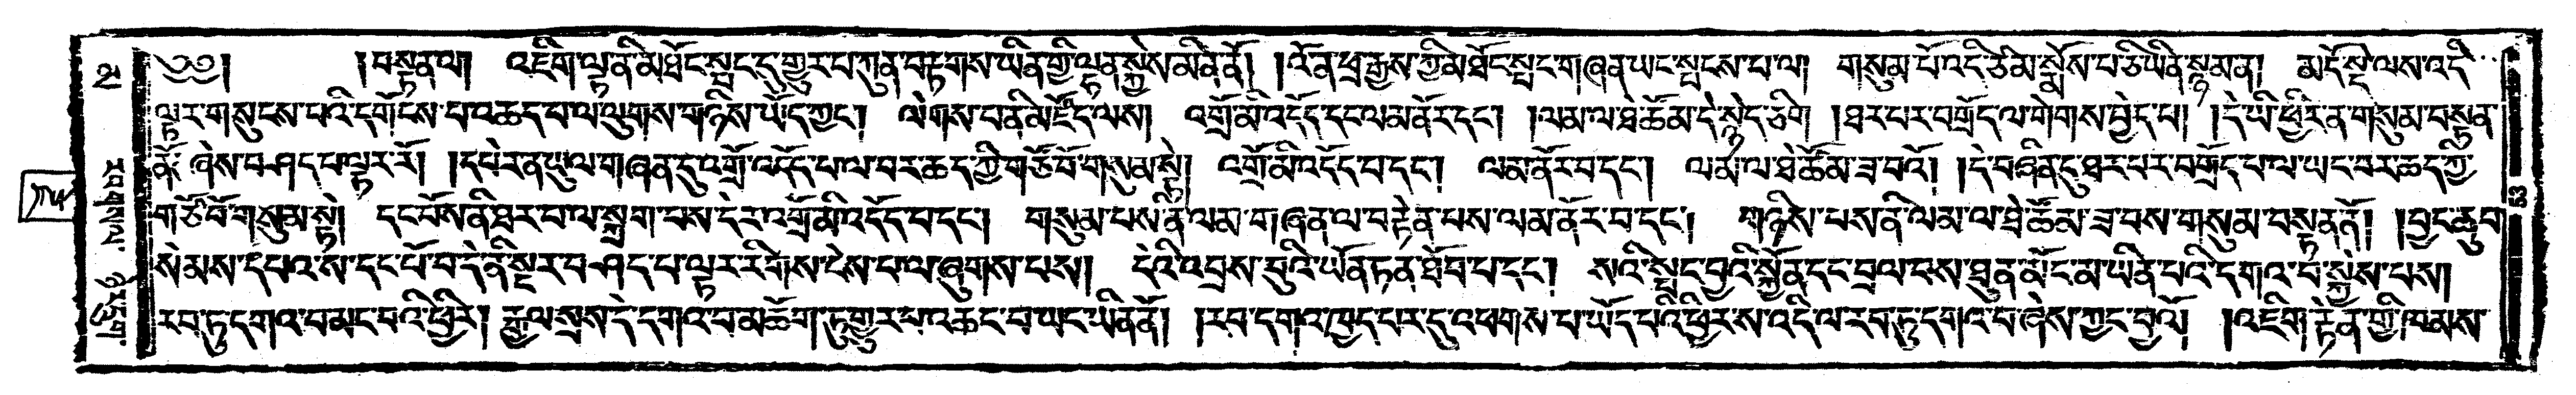༄༅། །བསྟན་ལ། འཇིག་ལྟ་ནི་མཐོང་སྤང་དུ་གྱུར་པ་ཀུན་བརྟགས་ཡིན་གྱི་ལྷན་སྐྱེས་མིན་ནོ། །འོ་ན་ཕྲ་རྒྱས་ཀྱི་མཐོང་སྤང་གཞན་ཡང་སྤངས་པ་ལ། གསུམ་པོ་འདི་ཙམ་སྨོས་པ་ཅི་ཡིན་སྙམ་ན། མདོ་སྡེ་ལས་འདི་
ལྟར་གསུངས་པའི་དགོངས་པ་འཆད་པ་ལ་ལུགས་གཉིས་ཡོད་ཀྱང་། ལེགས་པ་ནི་མཛོད་ལས། འགྲོ་མི་འདོད་དང་ལམ་ནོར་དང་། །ལམ་ལ་ཐེ་ཚོམ་དེ་སྙེད་ཅིག །ཐར་པར་བགྲོད་ལ་གེགས་བྱེད་པ། །དེ་ཡི་ཕྱིར་ན་གསུམ་བསྟན་
ནོ༑ ཞེས་བཤད་པ་ལྟར་རོ། །དཔེར་ན་ཡུལ་གཞན་དུ་འགྲོ་འདོད་པ་ལ་བར་ཆད་ཀྱི་གཙོ་བོ་གསུམ་སྟེ། འགྲོ་མི་འདོད་པ་དང་། ལམ་ནོར་བ་དང་། ལམ་ལ་ཐེ་ཚོམ་ཟ་བའོ། །དེ་བཞིན་དུ་ཐར་པར་བགྲོད་པ་ལ་ཡང་བར་ཆད་ཀྱི་
གཙོ་བོ་གསུམ་སྟེ། དང་པོས་ནི་ཐར་པ་ལ་སྐྲག་པས་དེར་འགྲོ་མི་འདོད་པ་དང་། གསུམ་པས་ནི་ལམ་གཞན་ལ་བརྟེན་པས་ལམ་ནོར་བ་དང་། གཉིས་པས་ནི་ལམ་ལ་ཐེ་ཚོམ་ཟ་བས་གསུམ་བསྟན་ནོ། །བྱང་ཆུབ་
སེམས་དཔའ་ས་དང་པོ་བ་དེ་ནི་སྔར་བཤད་པ་ལྟར་རིགས་ངེས་པ་ལ་ཞུགས་པས། དེའི་འབྲས་བུའི་ཡོན་ཏན་ཐོབ་པ་དང་། སའི་སྤང་བྱའི་སྐྱོན་དང་བྲལ་བས་ཐུན་མོང་མ་ཡིན་པའི་དགའ་བ་སྐྱེས་པས།
རབ་ཏུ་དགའ་བ་མང་བའི་ཕྱིར། རྒྱལ་སྲས་དེ་དགའ་བ་མཆོག་ཏུ་གྱུར་པ་འཆང་བ་ཡང་ཡིན་ནོ། །རབ་དགའ་ཁྱད་པར་དུ་འཕགས་པ་ཡོད་པའི་ཕྱིར་ས་འདི་ལ་རབ་ཏུ་དགའ་བ་ཞེས་ཀྱང་བྱའོ། །འཇིག་རྟེན་གྱི་ཁམས་